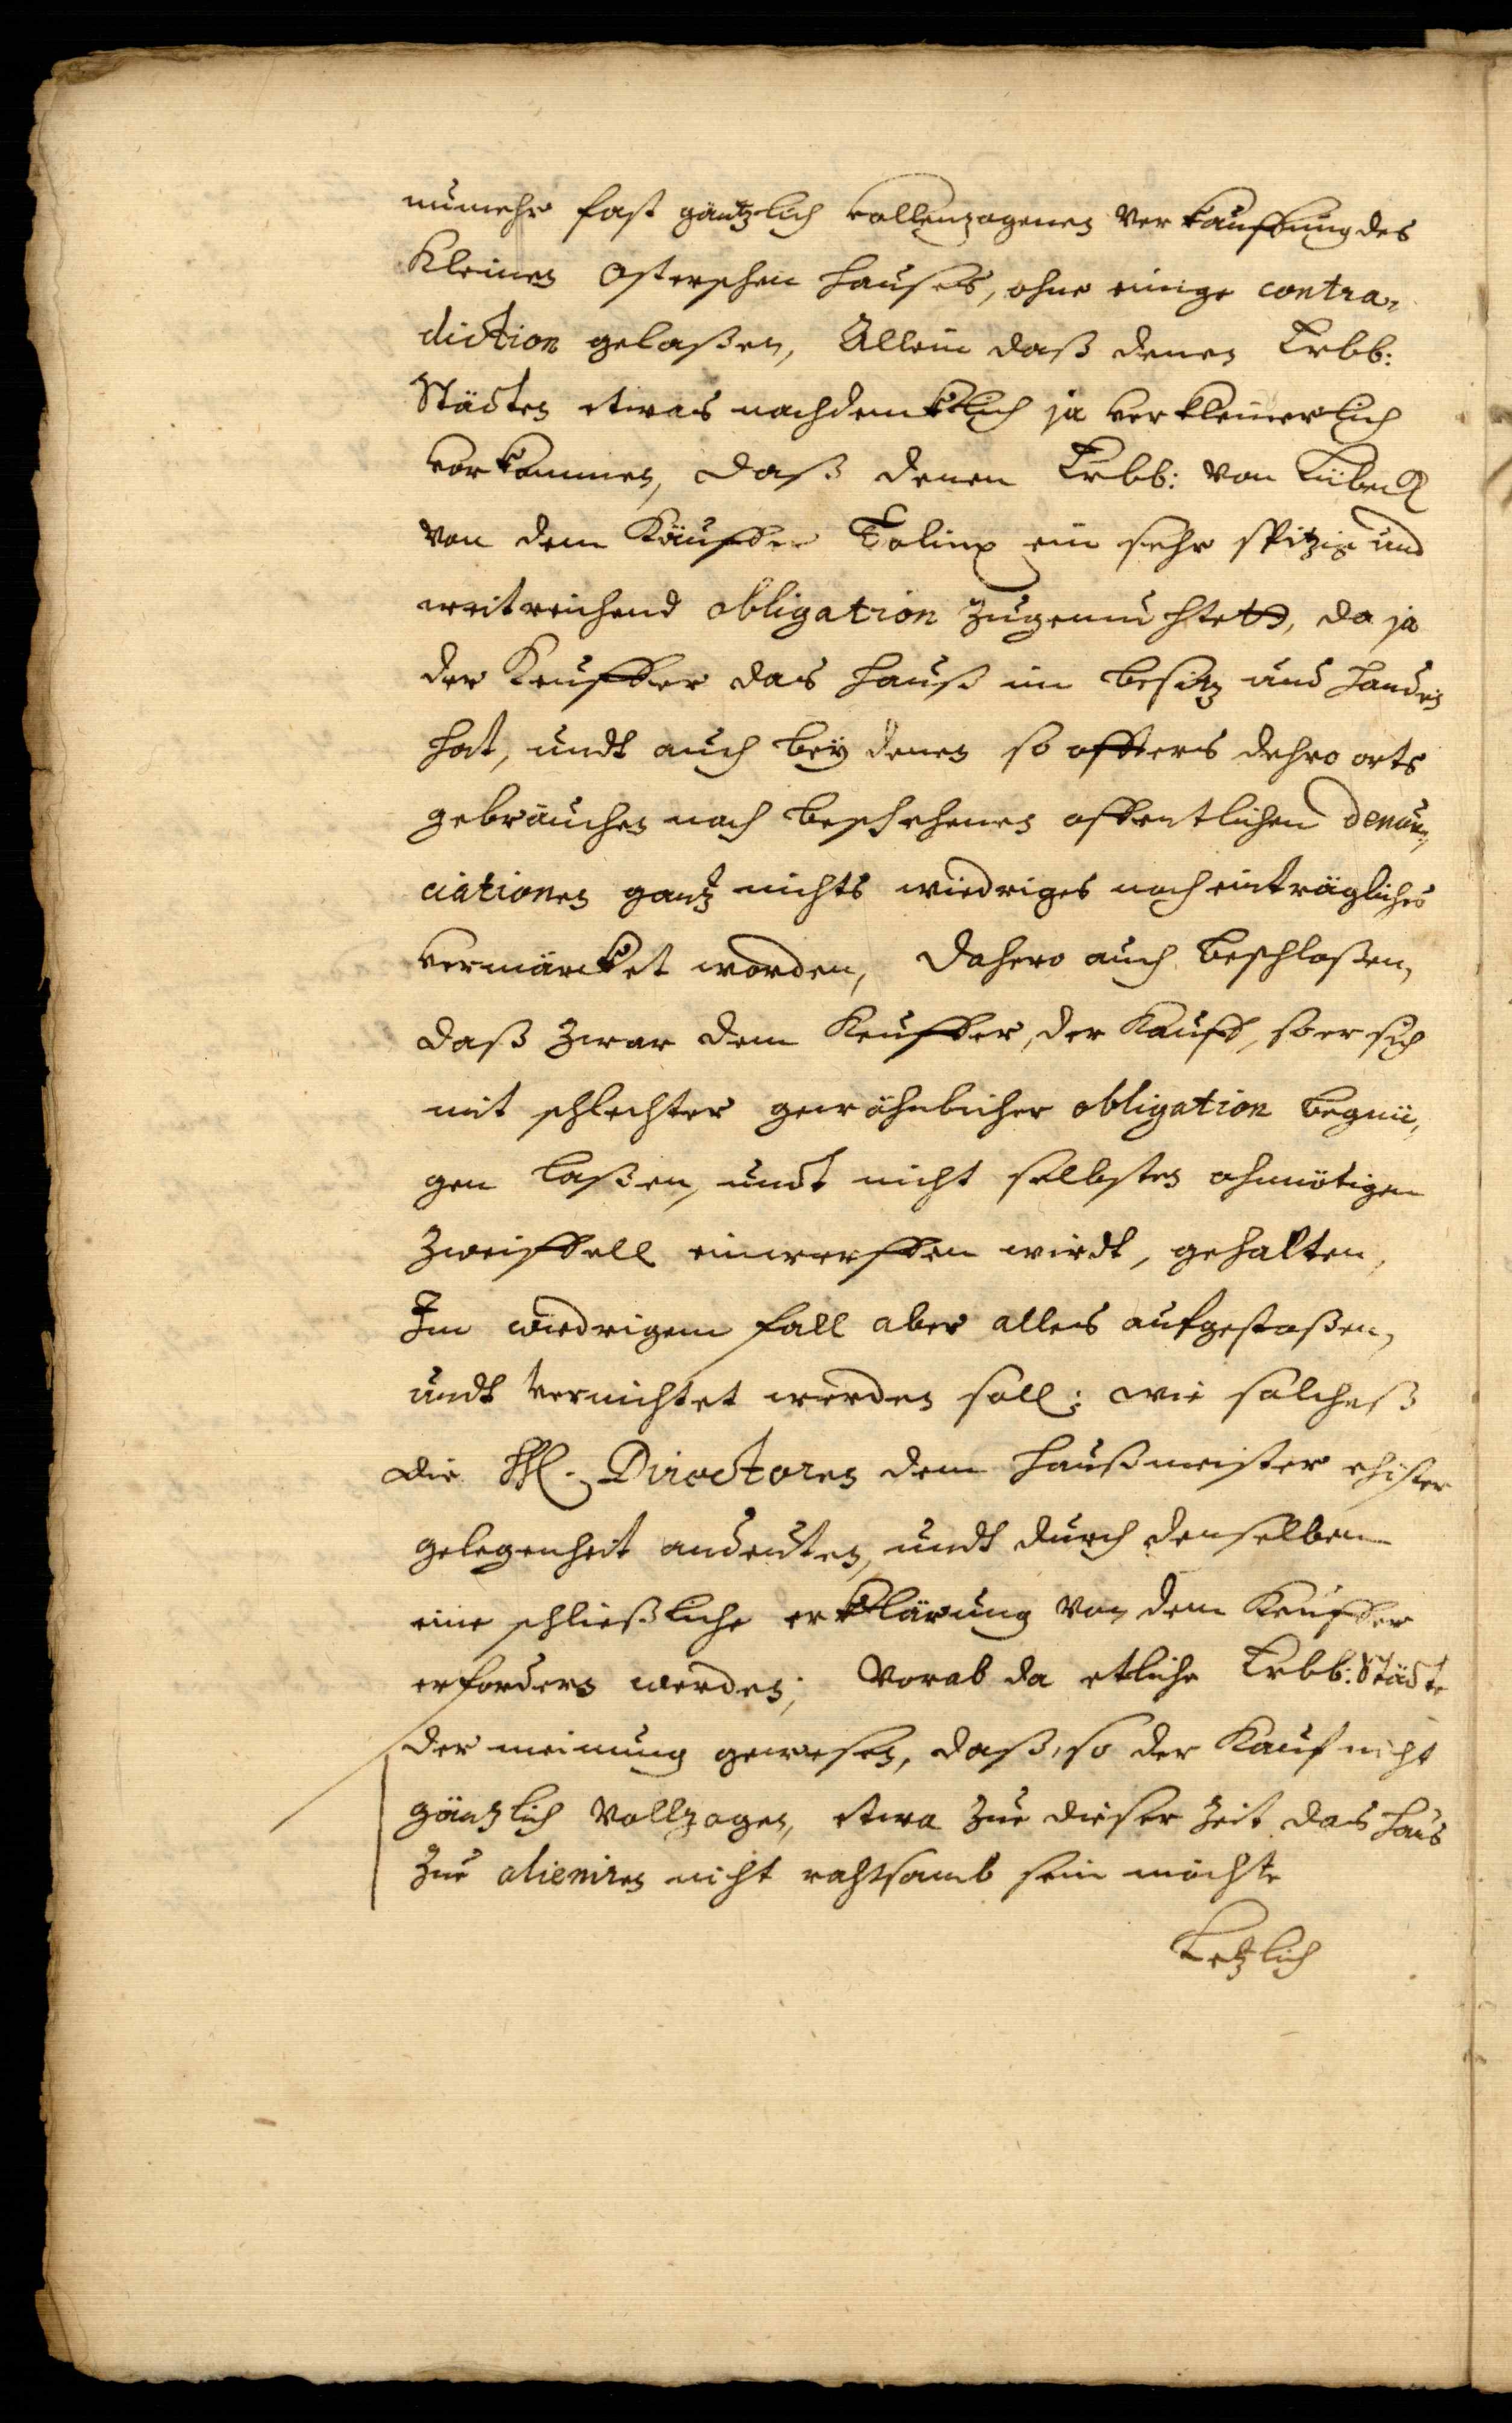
numehr fast gantzlich vollenzogenen verkauffung des
kleinen Osterschen Hauses, ohne einige¬
diction gelaßen, Allein daß denen Erbb:
Städten etwas nachdencklich ja verkleinerlich
vorkommen, daß denen Erbb: von Lübeck
von dem käuffer Tolinx ein sehr spitzige und
weitrechend obligation zugemuhtett, da ja
der Kauffer das hauß in besitz und handen
hat, undt auch beij denen so offters dehro orts
gebrauchen nach beschehenen offentlichen denun¬
ciationen gantz nichts wiedriges noch einträgliches
vermärcket worden, dahero auch beschloßen,
daß zwar dem keuffer, der kauff, so er sich
mit schlechter gewöhnlicher obligation begnü¬
gen laßen, undt nicht selbsten ohnnötigen
zweiffell einwerffen wirdt, gehalten,
Im wiedrigem fall aber alles aufgestoßen,
undt vernichtet werden soll; wie solcheß
die Herrn Directoren dem haußmeister ehister
gelegenheit andeuten, undt durch denselben
eine schließliche erklärung von dem keuffer
erfordern werden; vorab da etliche Erbb: Städte
der meinung gewesen, daß, so der kauf nicht
gäntzlich vollzogen, etwa zue dieser zeit das haus
zue alieniren nicht rahtsamb sein möchte
letzlich
